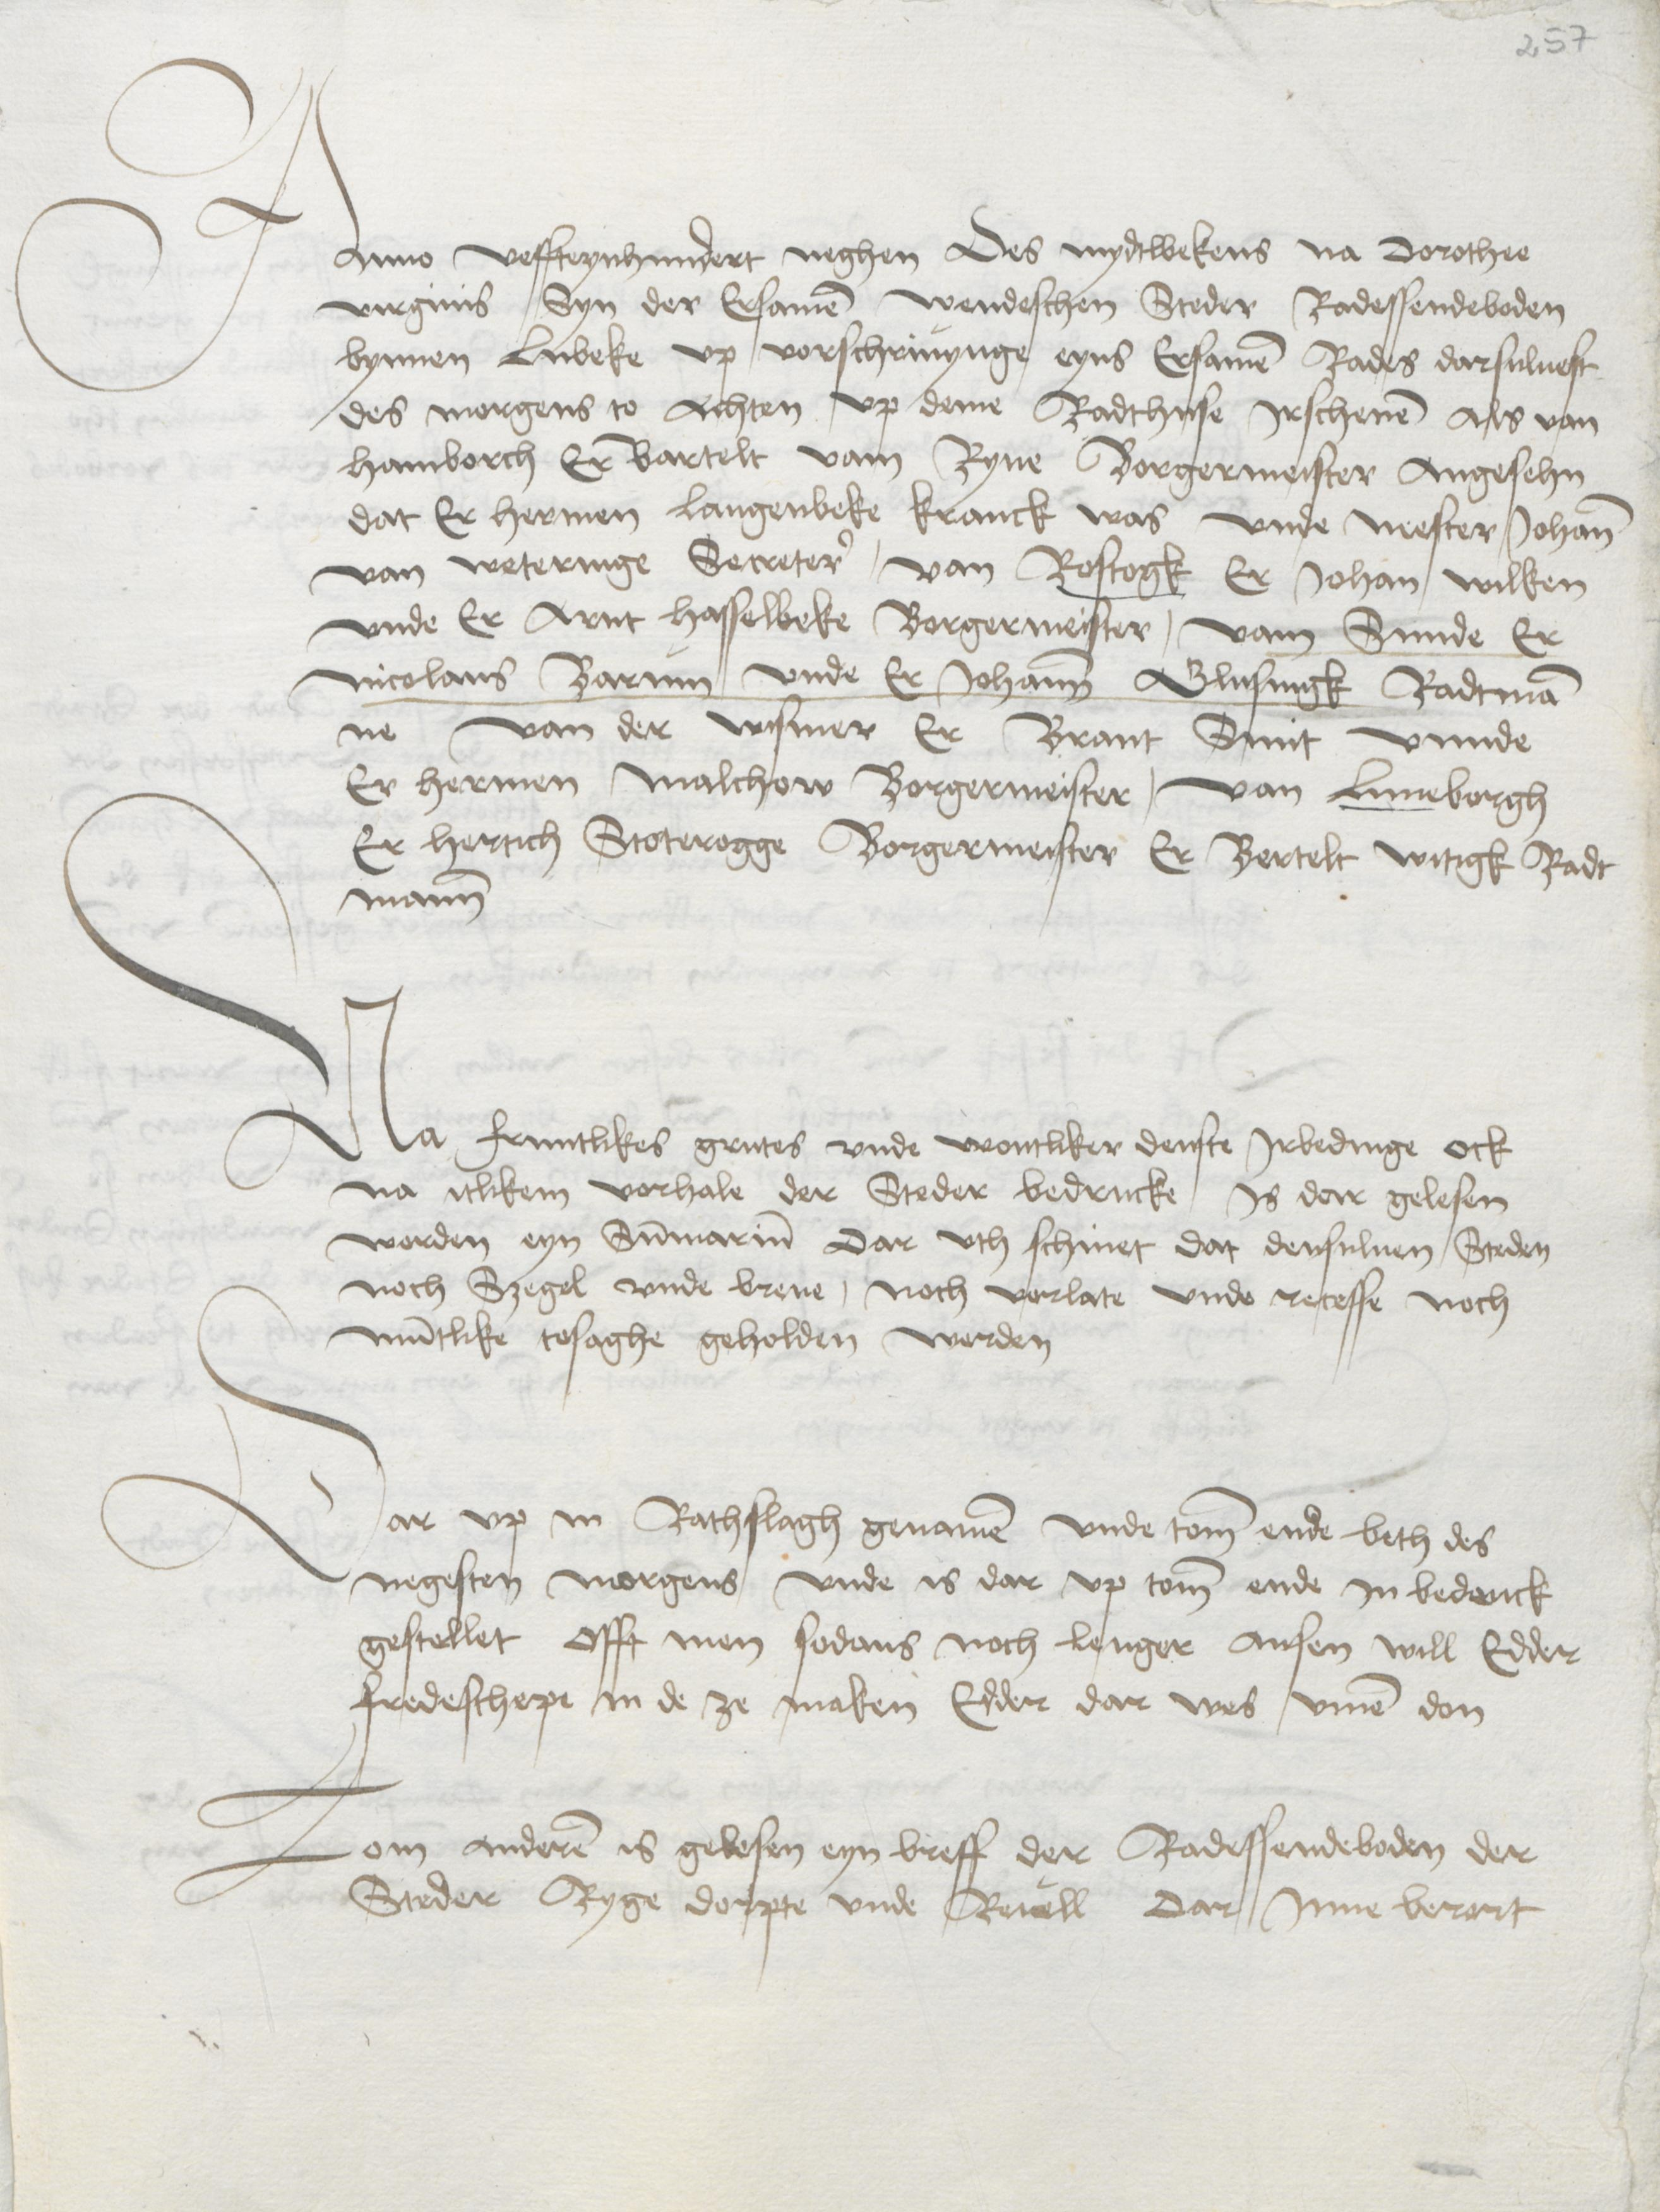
Anno veffteynhundert neghen Des mydtwekens na Dorothee
virginis Syn der Ersamen wendeschen Steder Radessendeboden
bynnen Lubeke vp vorschriuynge eyns Ersamen Rades darsuluest
des morgens to Achten vp deme Radthuse Irschenen Als van
Hamborch Er Bartelt vam Ryne Borgermeister Angesehn
dat Er Hermen Langenbeke kranck was vnde MesterJohann
van Weteringe Secreter van Rostogk Er Johan Wilken
vnde Er Arnt Hasselbeke Borgermeister, vam Sunde Er
Nicolaus Barinn, vnde Er Johann Glusingk Radtman¬
ne van der Wismer Er Brant Smit vnnde
Er Hermen Malchow Borgermeister, van Luneborgh
Er Hertich Stoterogge Borgermeister Er Bertelt Witigk Radt¬
mann
Na fruntlikes grutes vnde wontliker denste Irbedinge ock
na itlikem vorhale der Steder bedrucke, Js dar gelesen
worden eyn Summarium Dar vth schinet dat densuluen Steden
noch Szegel vnde breue, noch vorlate vnde recesse noch
muntlike tosaghe geholden werden
Dar vp in Rathslagh genamen vnde tome ende beth des
negesten morgens vnde is dar vp tome ende Jn bedenck
gestellet Offt men sodans noch lenger Ansen will Edder
fredeschepe in de ze maken Edder dar wes vmme don
Tom anderen is gelesen eyn breff der Radessendeboden der
Steder Ryge Dorpte vnde Reuell Dar Jnne berart
